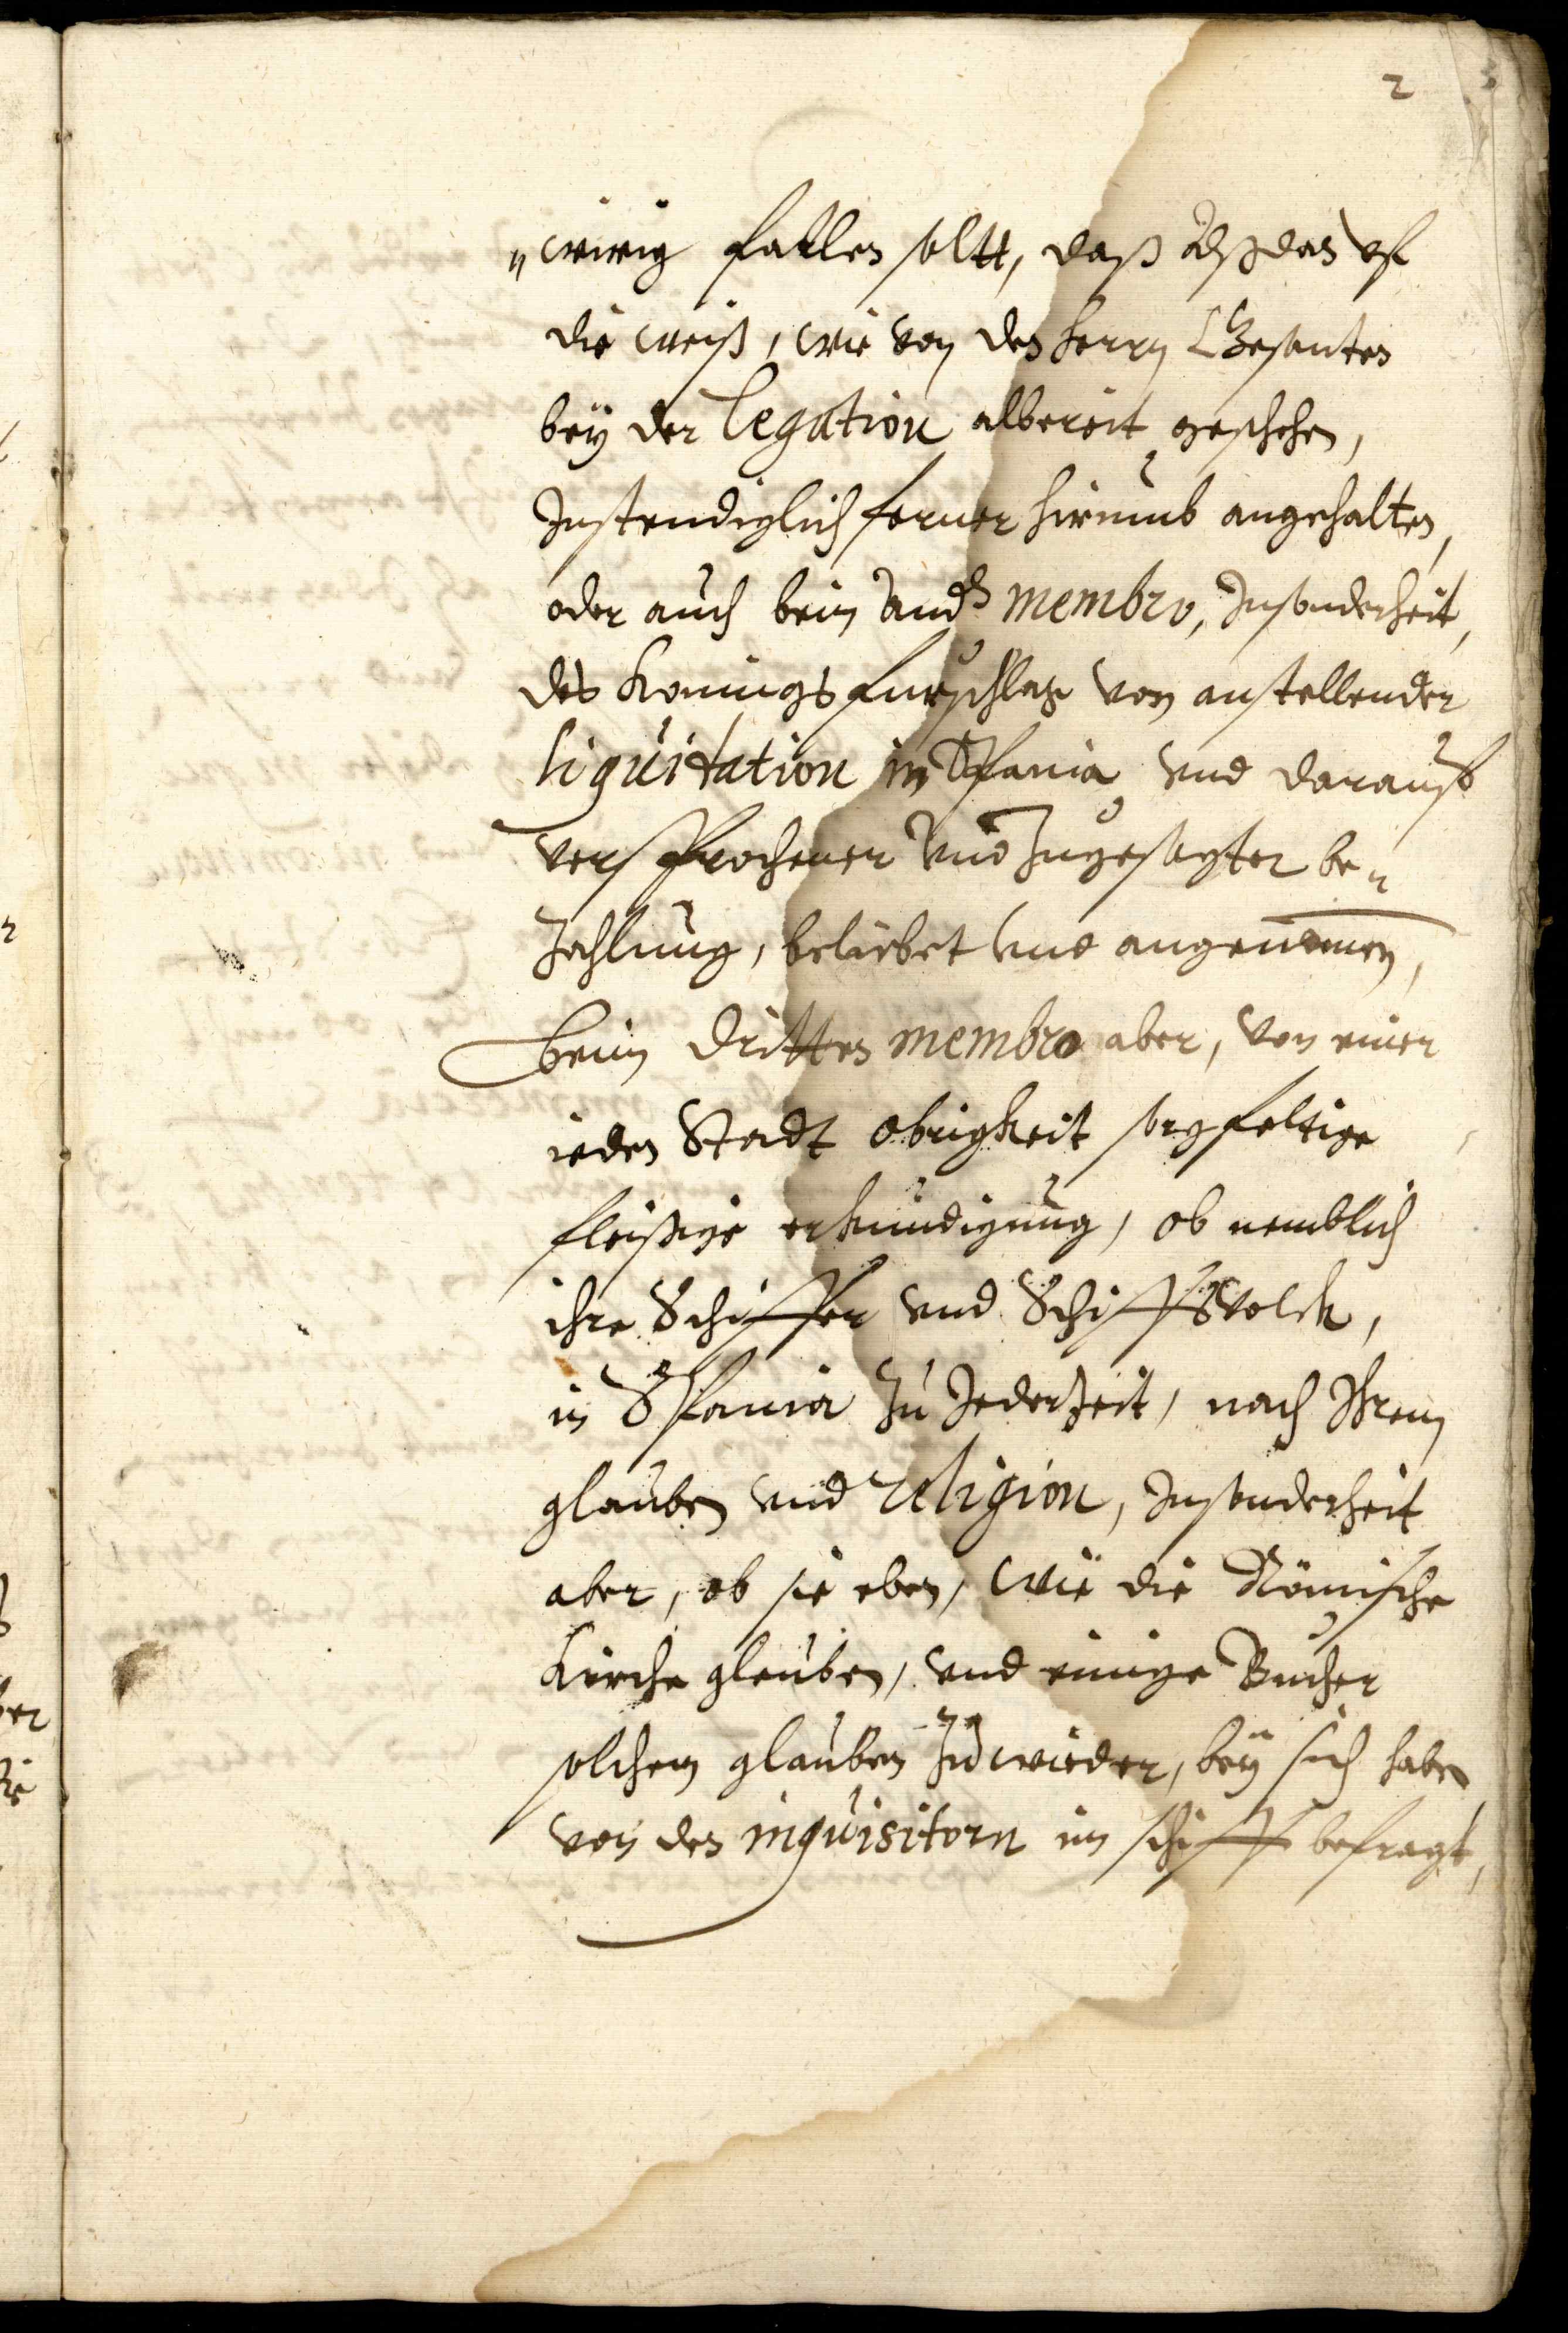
2
wirig fallen soltt, daß Alßdas vf
die weiß , wie von des herrn Gesenten
beij der Legation albereit geschehen,
Instendiglich ferner hirumb angehalten,
oder auch beim Anders membro, insonderheit,
des konnings furschlage von anstellenden
liquitation in Spania vnd darauß
versprochenen vnd zugesagter be¬
zahlung, belaubet vnd angenomen,
beim dritten membro aber, von einen
rades Stadt obrigkeit sorgfeltige
fleißige erkundigung, ob nemblich
ihre Schiffen vnd Schiffsvolck ,
in Spania zu jederzeit, nach Ihrem
glauben und religion, insonderheit
aber, ob sie eben, wie die Römische
kirche glauben, vnd einige Bucher
solchem glauben zuwieder, beij sich haben
von den inquisitorn im schiff befragt,
